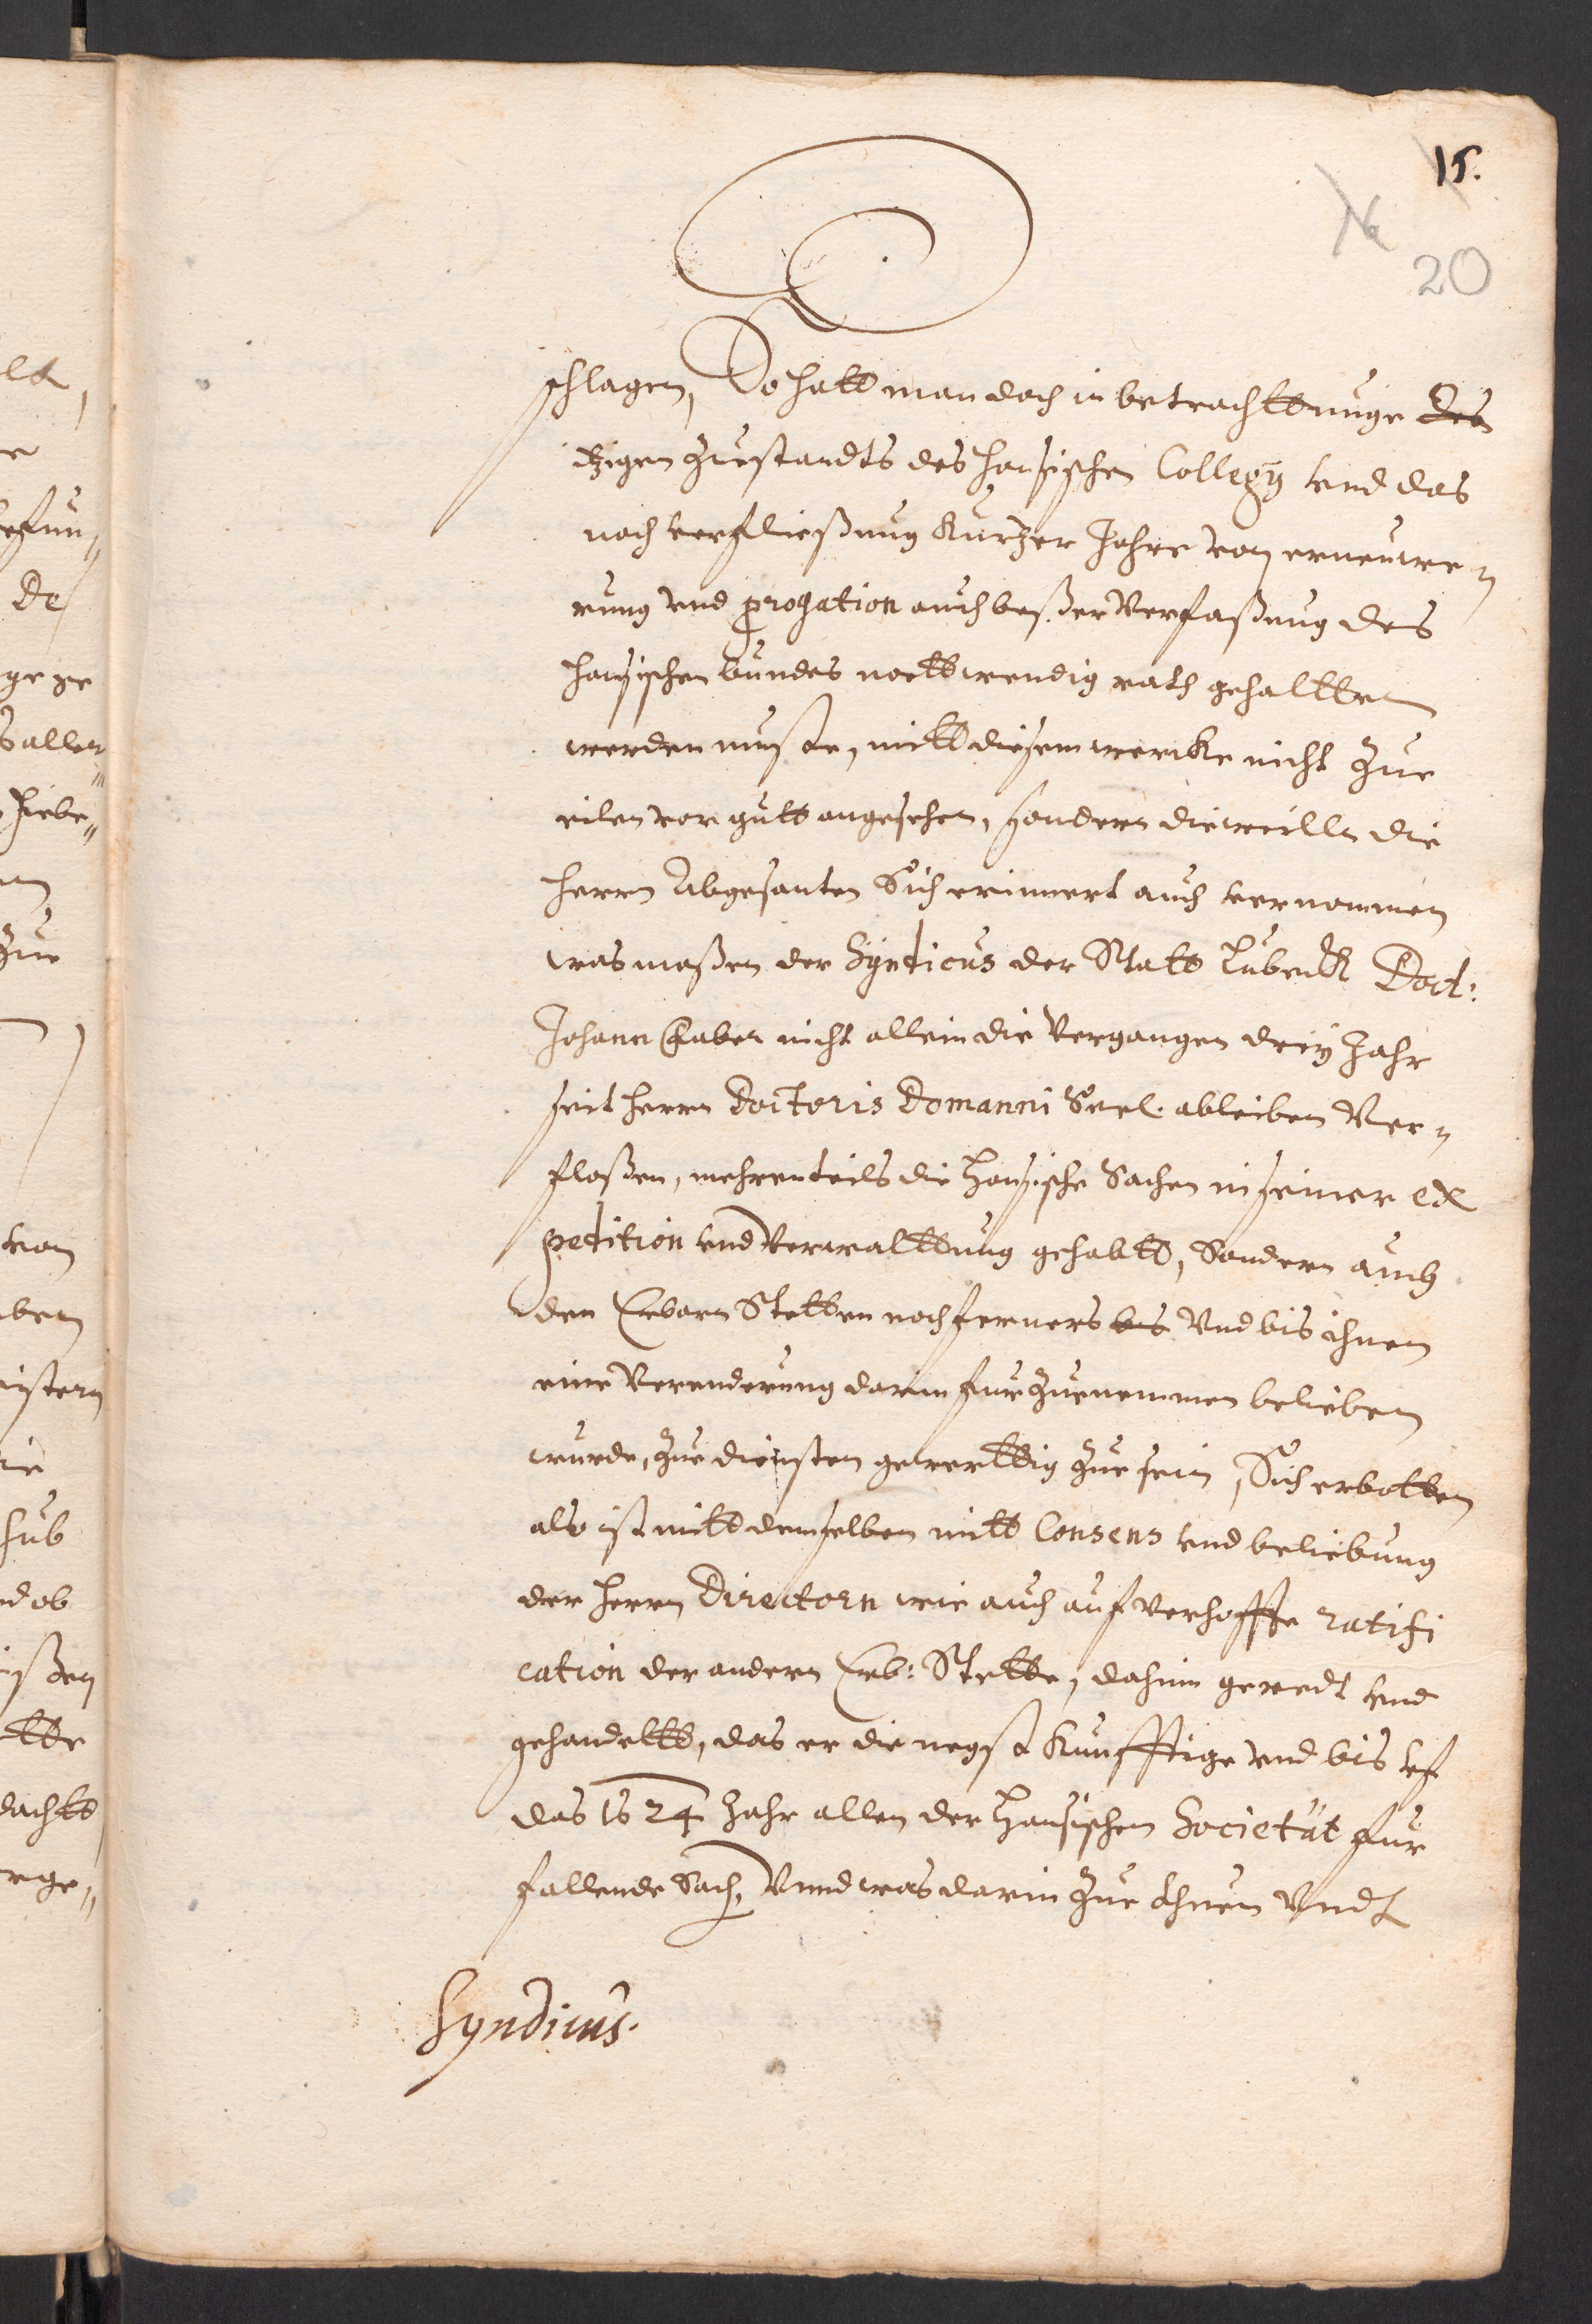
15.
schlagen, So hatt man doch in betrachttunge des
itzigen zuestandts des hansischen Collegij vnd das
nach verfließung kurtzer Jahre von erneuwe¬
rung vnd prorogation auch beßer verfaßung des
hansischen bundes noettwendig rath gehaltten
werden muste, mitt diesem wercke nicht zue
eilen vor gutt angesehen, sondern dieweilln die
herrn Abgesanten Sich erinnert auch vernommen
was maßen der Sijndicus der Statt Lubeck Doct:
Johann Faber nicht allein die vergangen dreij Jahr
seit herrn Doctoris Domanni Seel. ableiben ver¬
floßen, mehrenteils die Hansische Sachen in seiner ex
pedition vnd Verwalttung gehabtt, Sondern auch
den Erbarn Stetten noch ferners bis Vnd bis ihnen
eine verenderung darin furzuenemmen belieben
wurde, zue diensten gewerttig zue sein, Sich erbotten
als ist mitt demselben mitt Consens vnd beliebung
der herrn Directorn wie auch auf verhoffte ratifi
cation der andern Erb: Stette, dahinn geredt vnd
gehandeltt, das es die negst kunfftige vnd bis vf
das 1624 Jahr allen der Hansischen Societät fur
fallende Sachen, Vnnd was darin zue thuen vndt
Syndicus.
